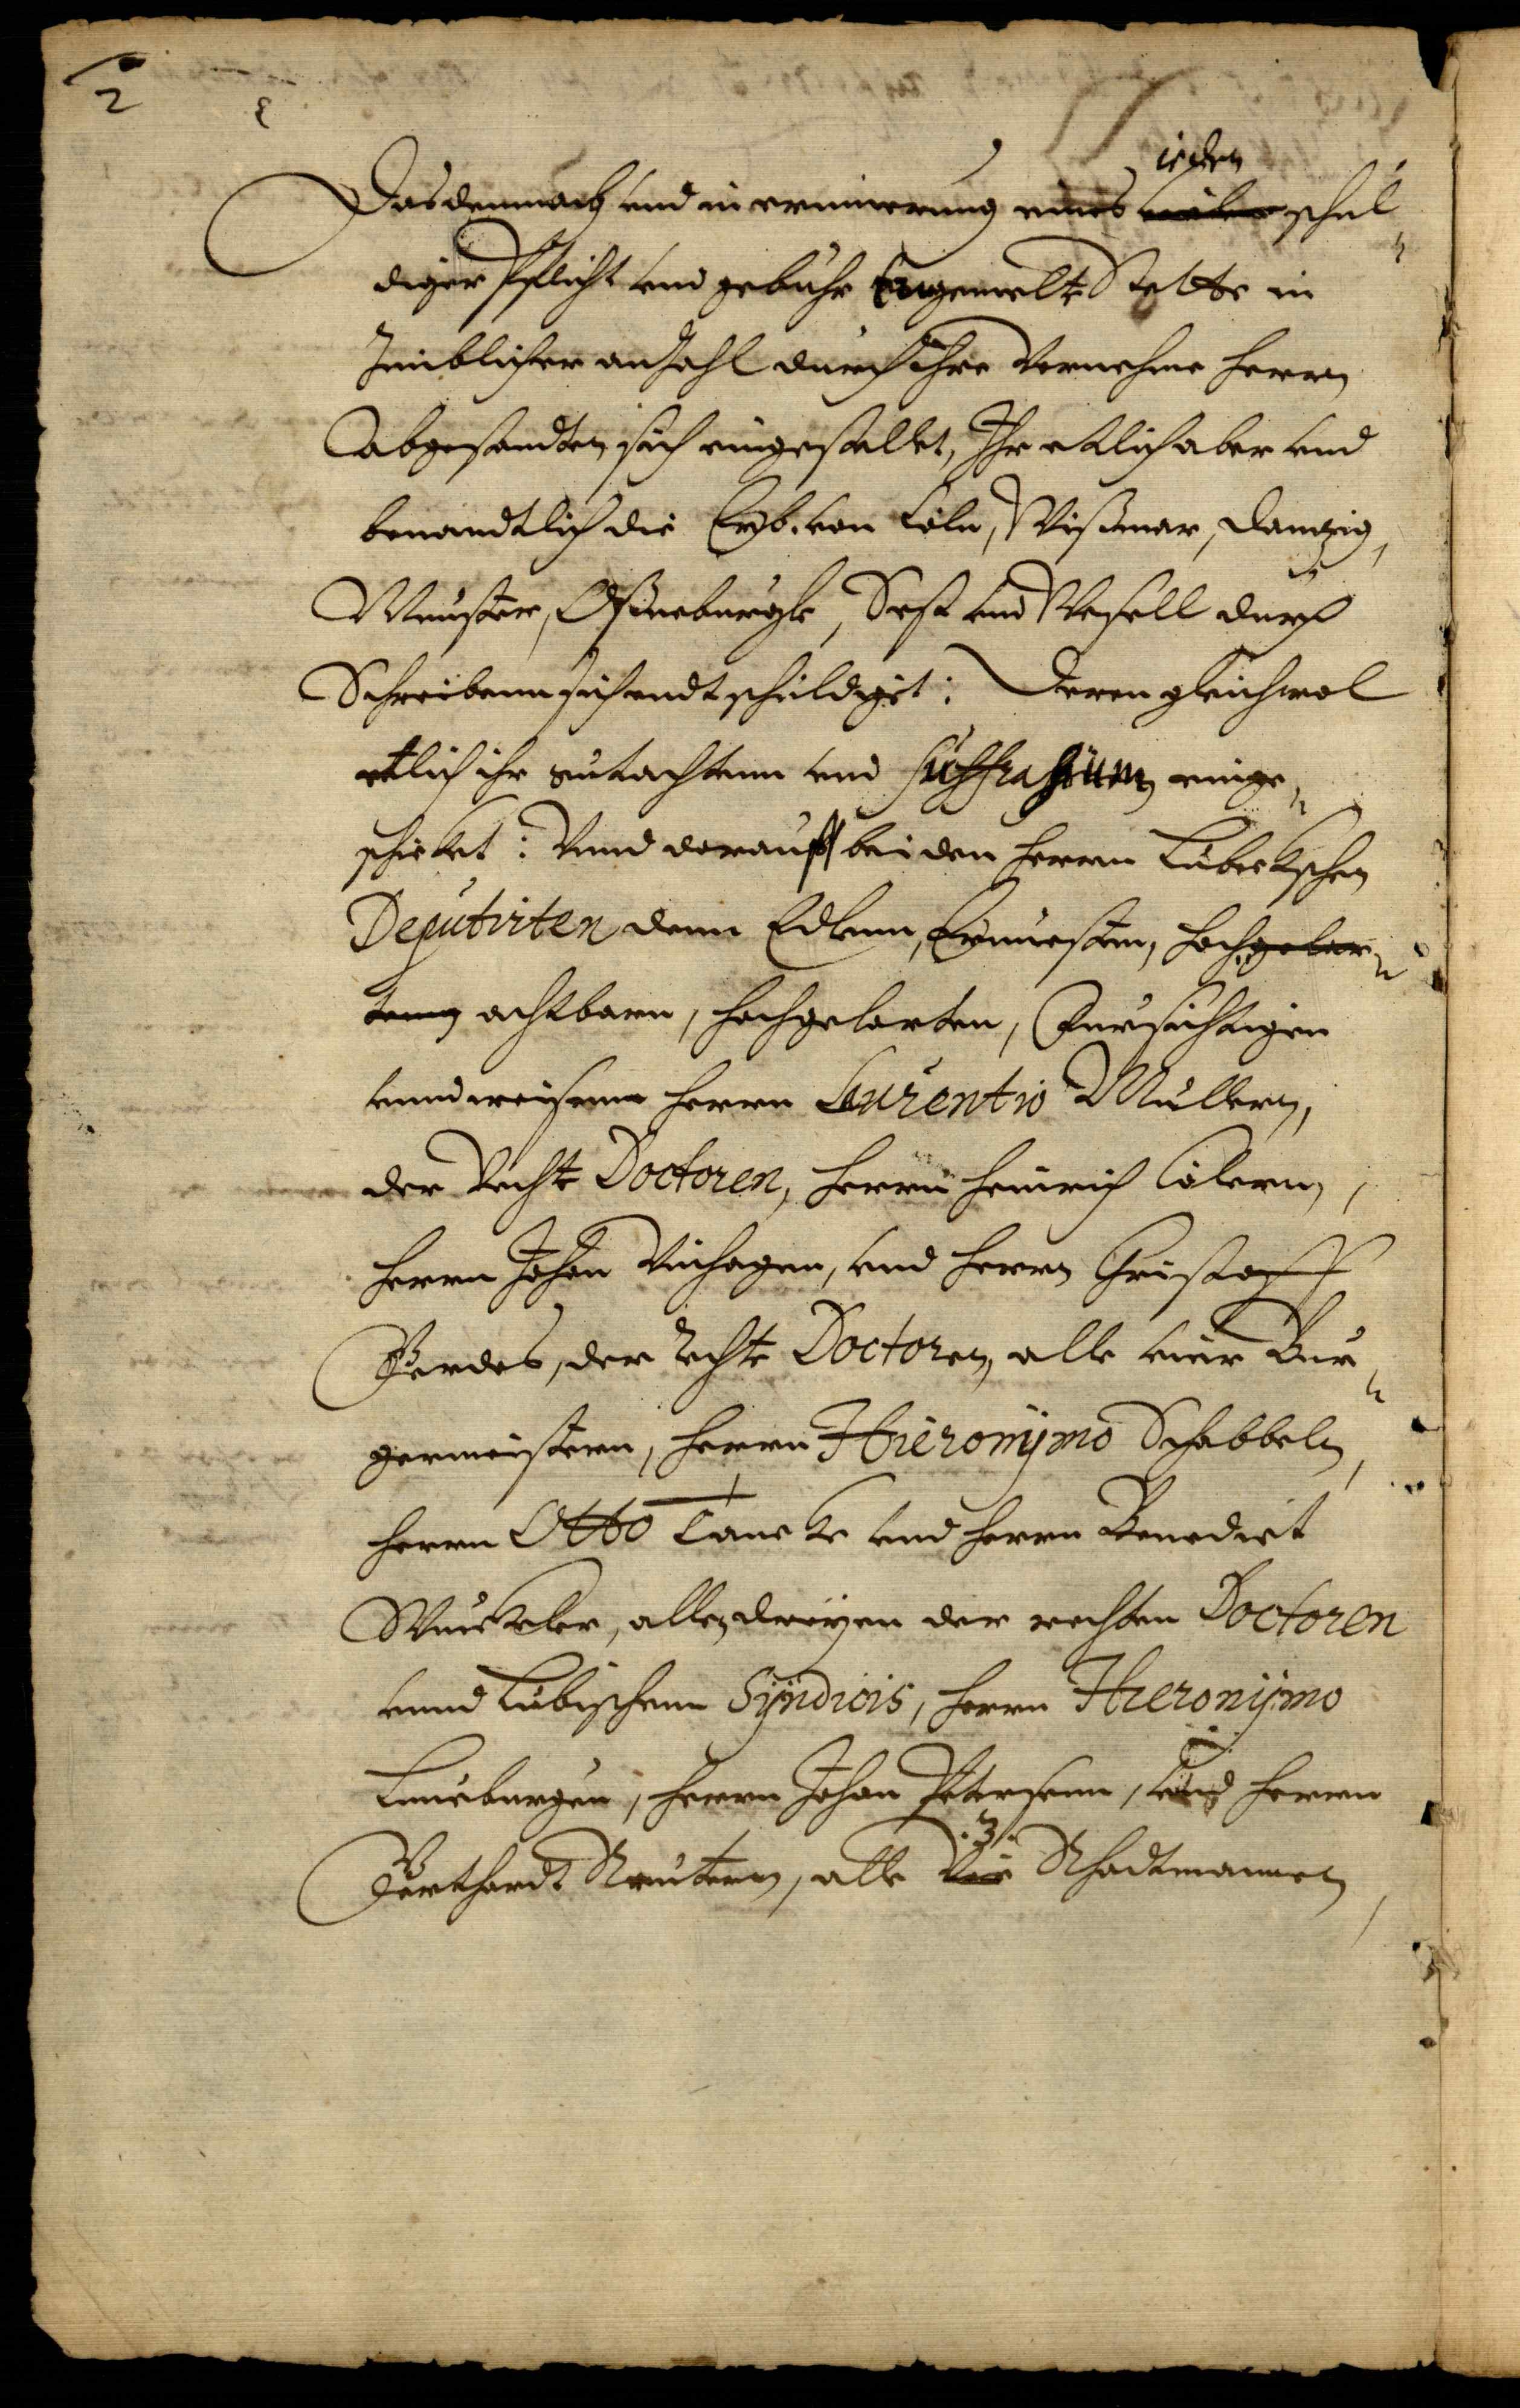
2
das demnach vnd in erinnerung eines ieden schul¬
diger Pflicht vnd gebuhr Ca gemelte Stette in
zimblicher anzahl durch ihre vornehme herrn
Abgesandten sich eingestellet, Ihr etlich aber vnd
benandtlich die Erb. von Cöln, Wißmar, Dantzig,
Munster, Oßneburgk, Sest vnd Wesell durch
Schreibenn sich endtschuldiget: Deren gleichwol
etlich ihr gutachtenn vnd suffragium einge¬
schicket: Vnnd darauff bei den herrn Lubeckschen
Deputirten denn Edlenn, Ernuesten, hochgeler¬
tenn achtbarn, hochgelerten, fursichtigen
vnnd weisenn herrn Laurentio Mullern,
der Rechte Doctoren, herrn Heinrich Cölern,
herrn Johan Viehagen, vnd herrn Christoff
Gerdes, der Rechte Doctoren, alle vier Bur¬
germeistern, herrn Hieronymo Schabbeln,
herrn Otto Taneke vnd herrn Benedict
Munkeler, allen dreijen der rechten Doctoren
vnnd Lubischenn Syndicis, herrn Hieronymo
Luneburgen, herrn Johan Petersenn, vnnd herrn
Gerthardt Struteren, alle 3. Rhadtmannen,
